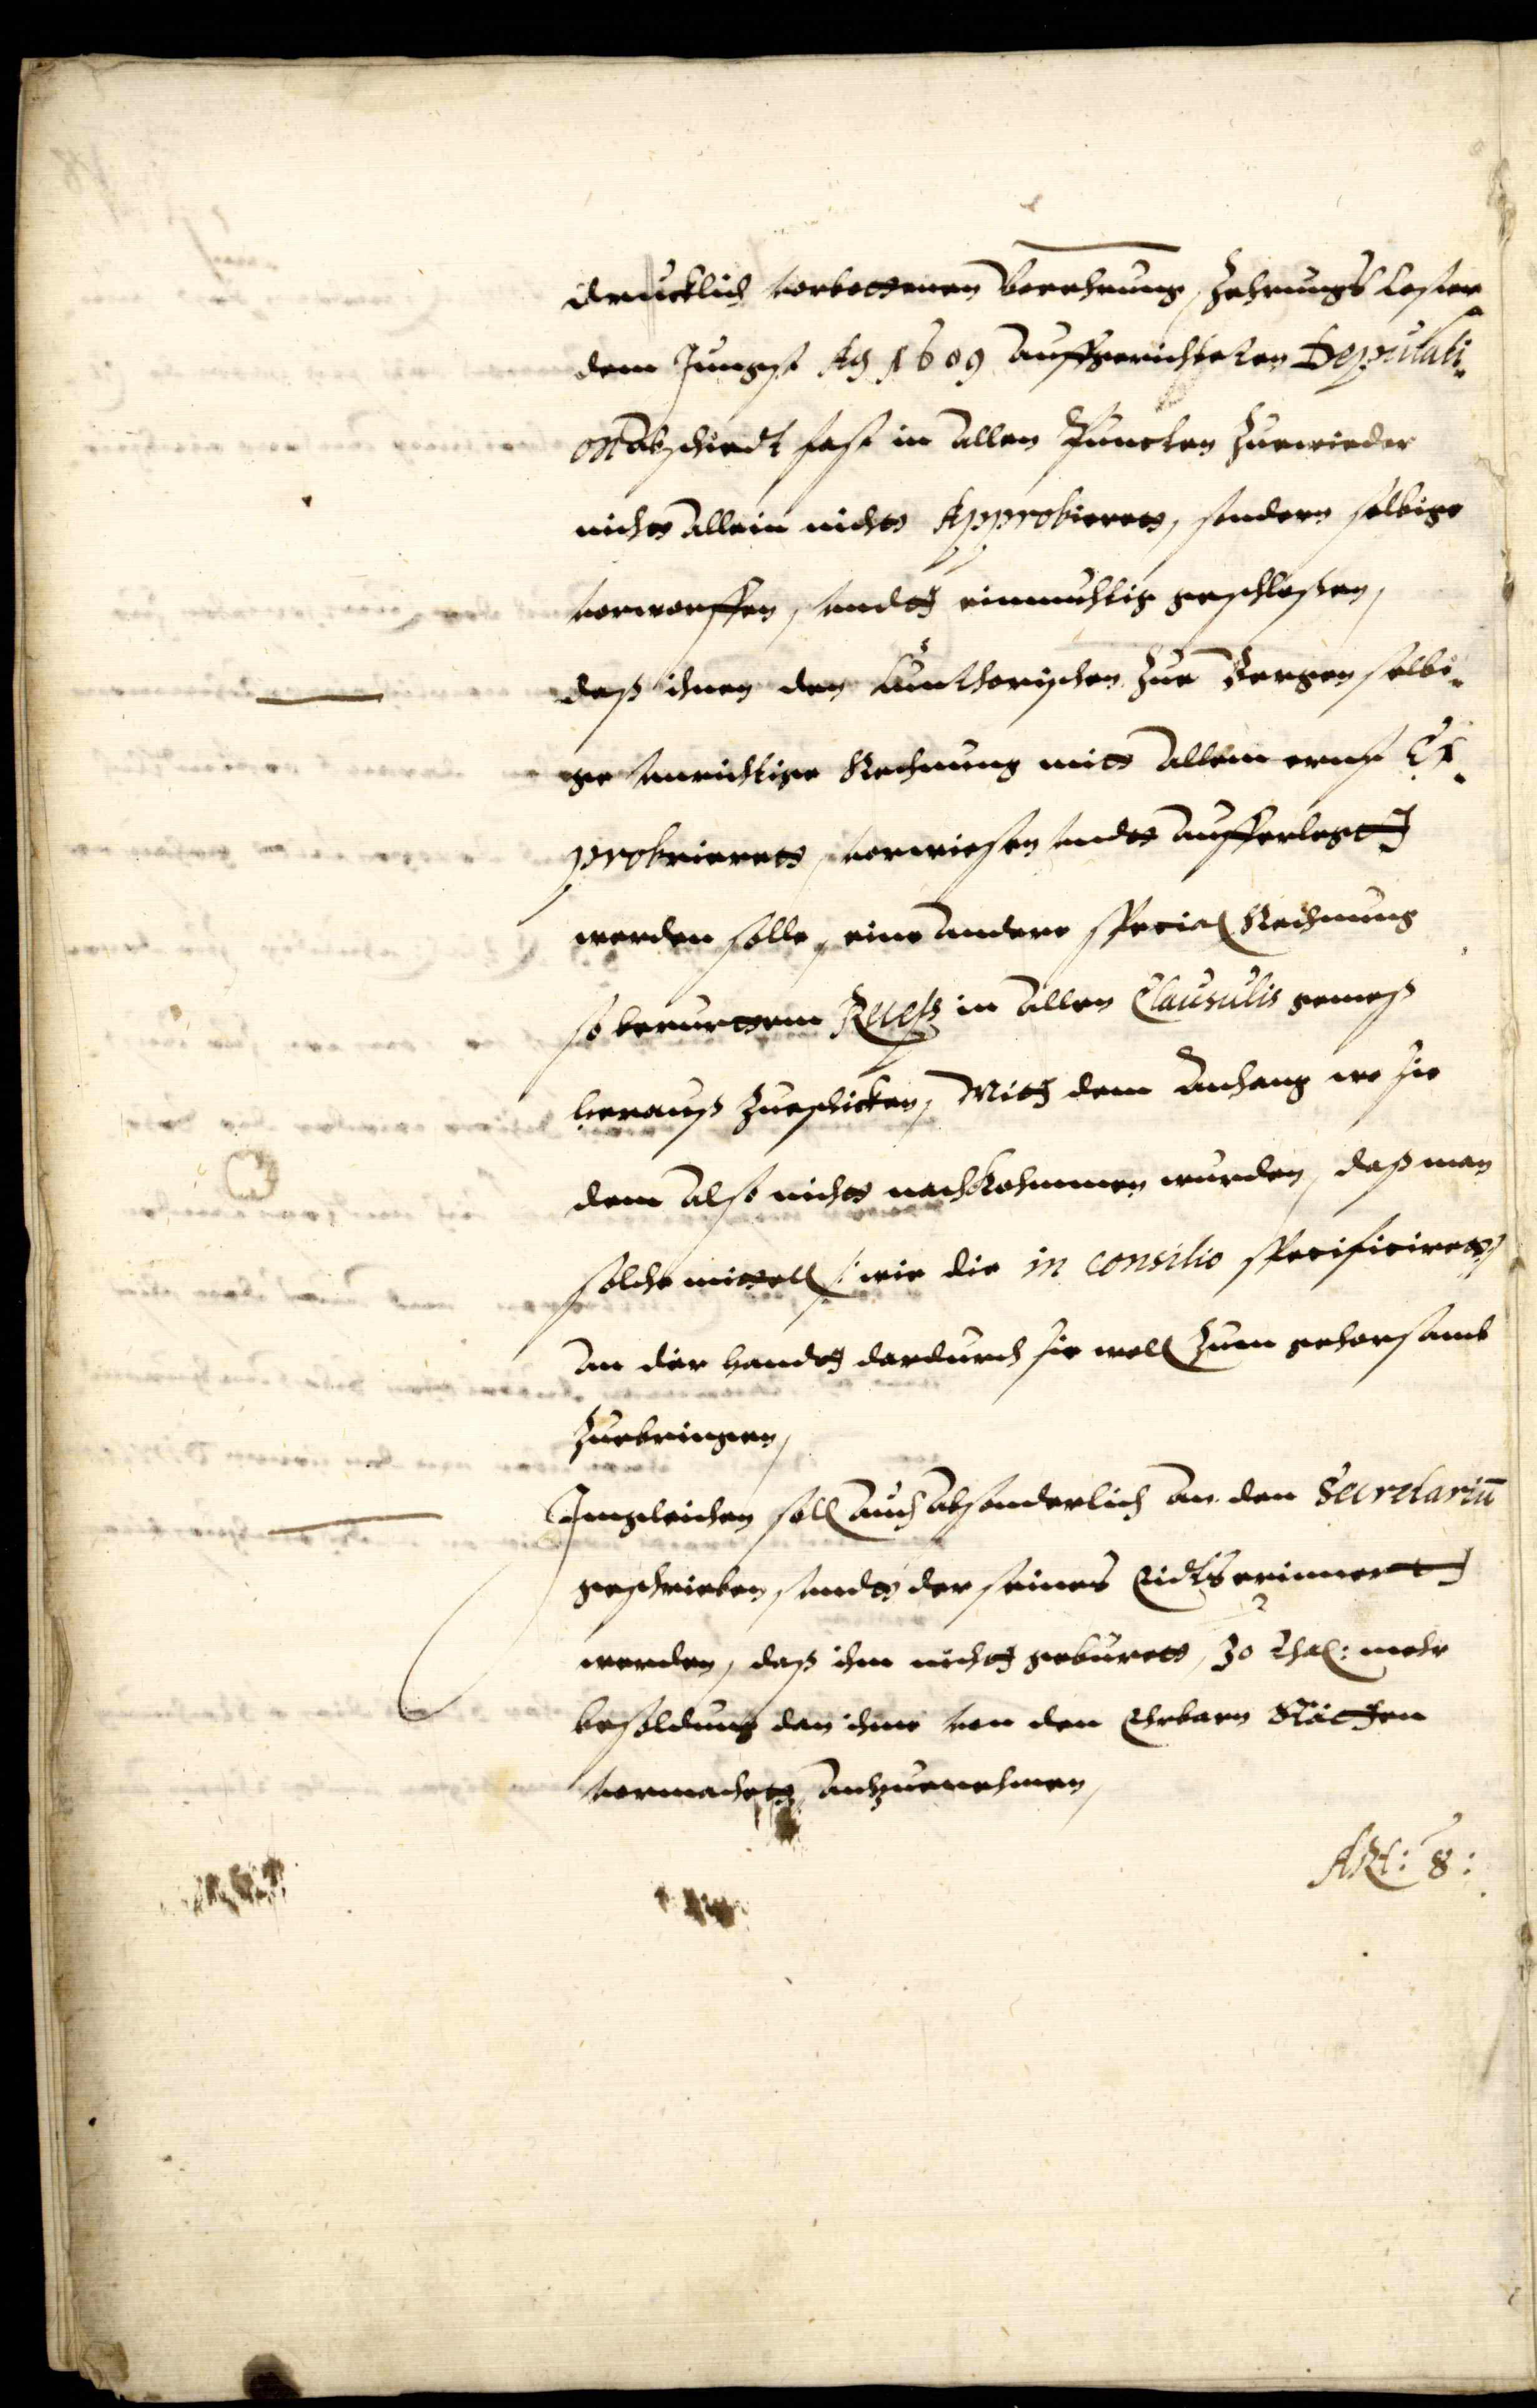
drucklich vorbottenen Verehrung, zehrungs Costen
dem Jungst Ao 1609 Auffgerichteten Deputati=
on Abschiedt fast in Allen puncten zuewieder
nichtt Allein nichtt Approbierett, sondern selbige
vorworffen, vndtt einmuhtig geschloßen,
daß ihnen den Cunthorischen zue Bergen selbi¬
ge vnrichtige Rechnung mitt Allem ernst Ex¬
probrierett verwiesen vndtt Auferlegtt
werden solle, eine Andere special Rechnung
so berurttem Recess in allen Clausulis gemeß
herauß zueschicken, Mitt dem Anhang wo sie
dem Also nichtt nachkohmmen wurden, daß man
solche mittell /: wie die in consilio specificirett :/
an der handtt dardurch sie woll zum gehorsamb
zuebringen,
Imgleichen soll Auch Absonderlich An den Secretarium
geschrieben, vndtt der seines Eidts erinnertt
werden, daß ihm nichtt geburett, 30 Thal: mehr
besoldung dan ihm von den Ehrbarn Stätten
vermachett Antzuenehmen,
ARt: 8:
